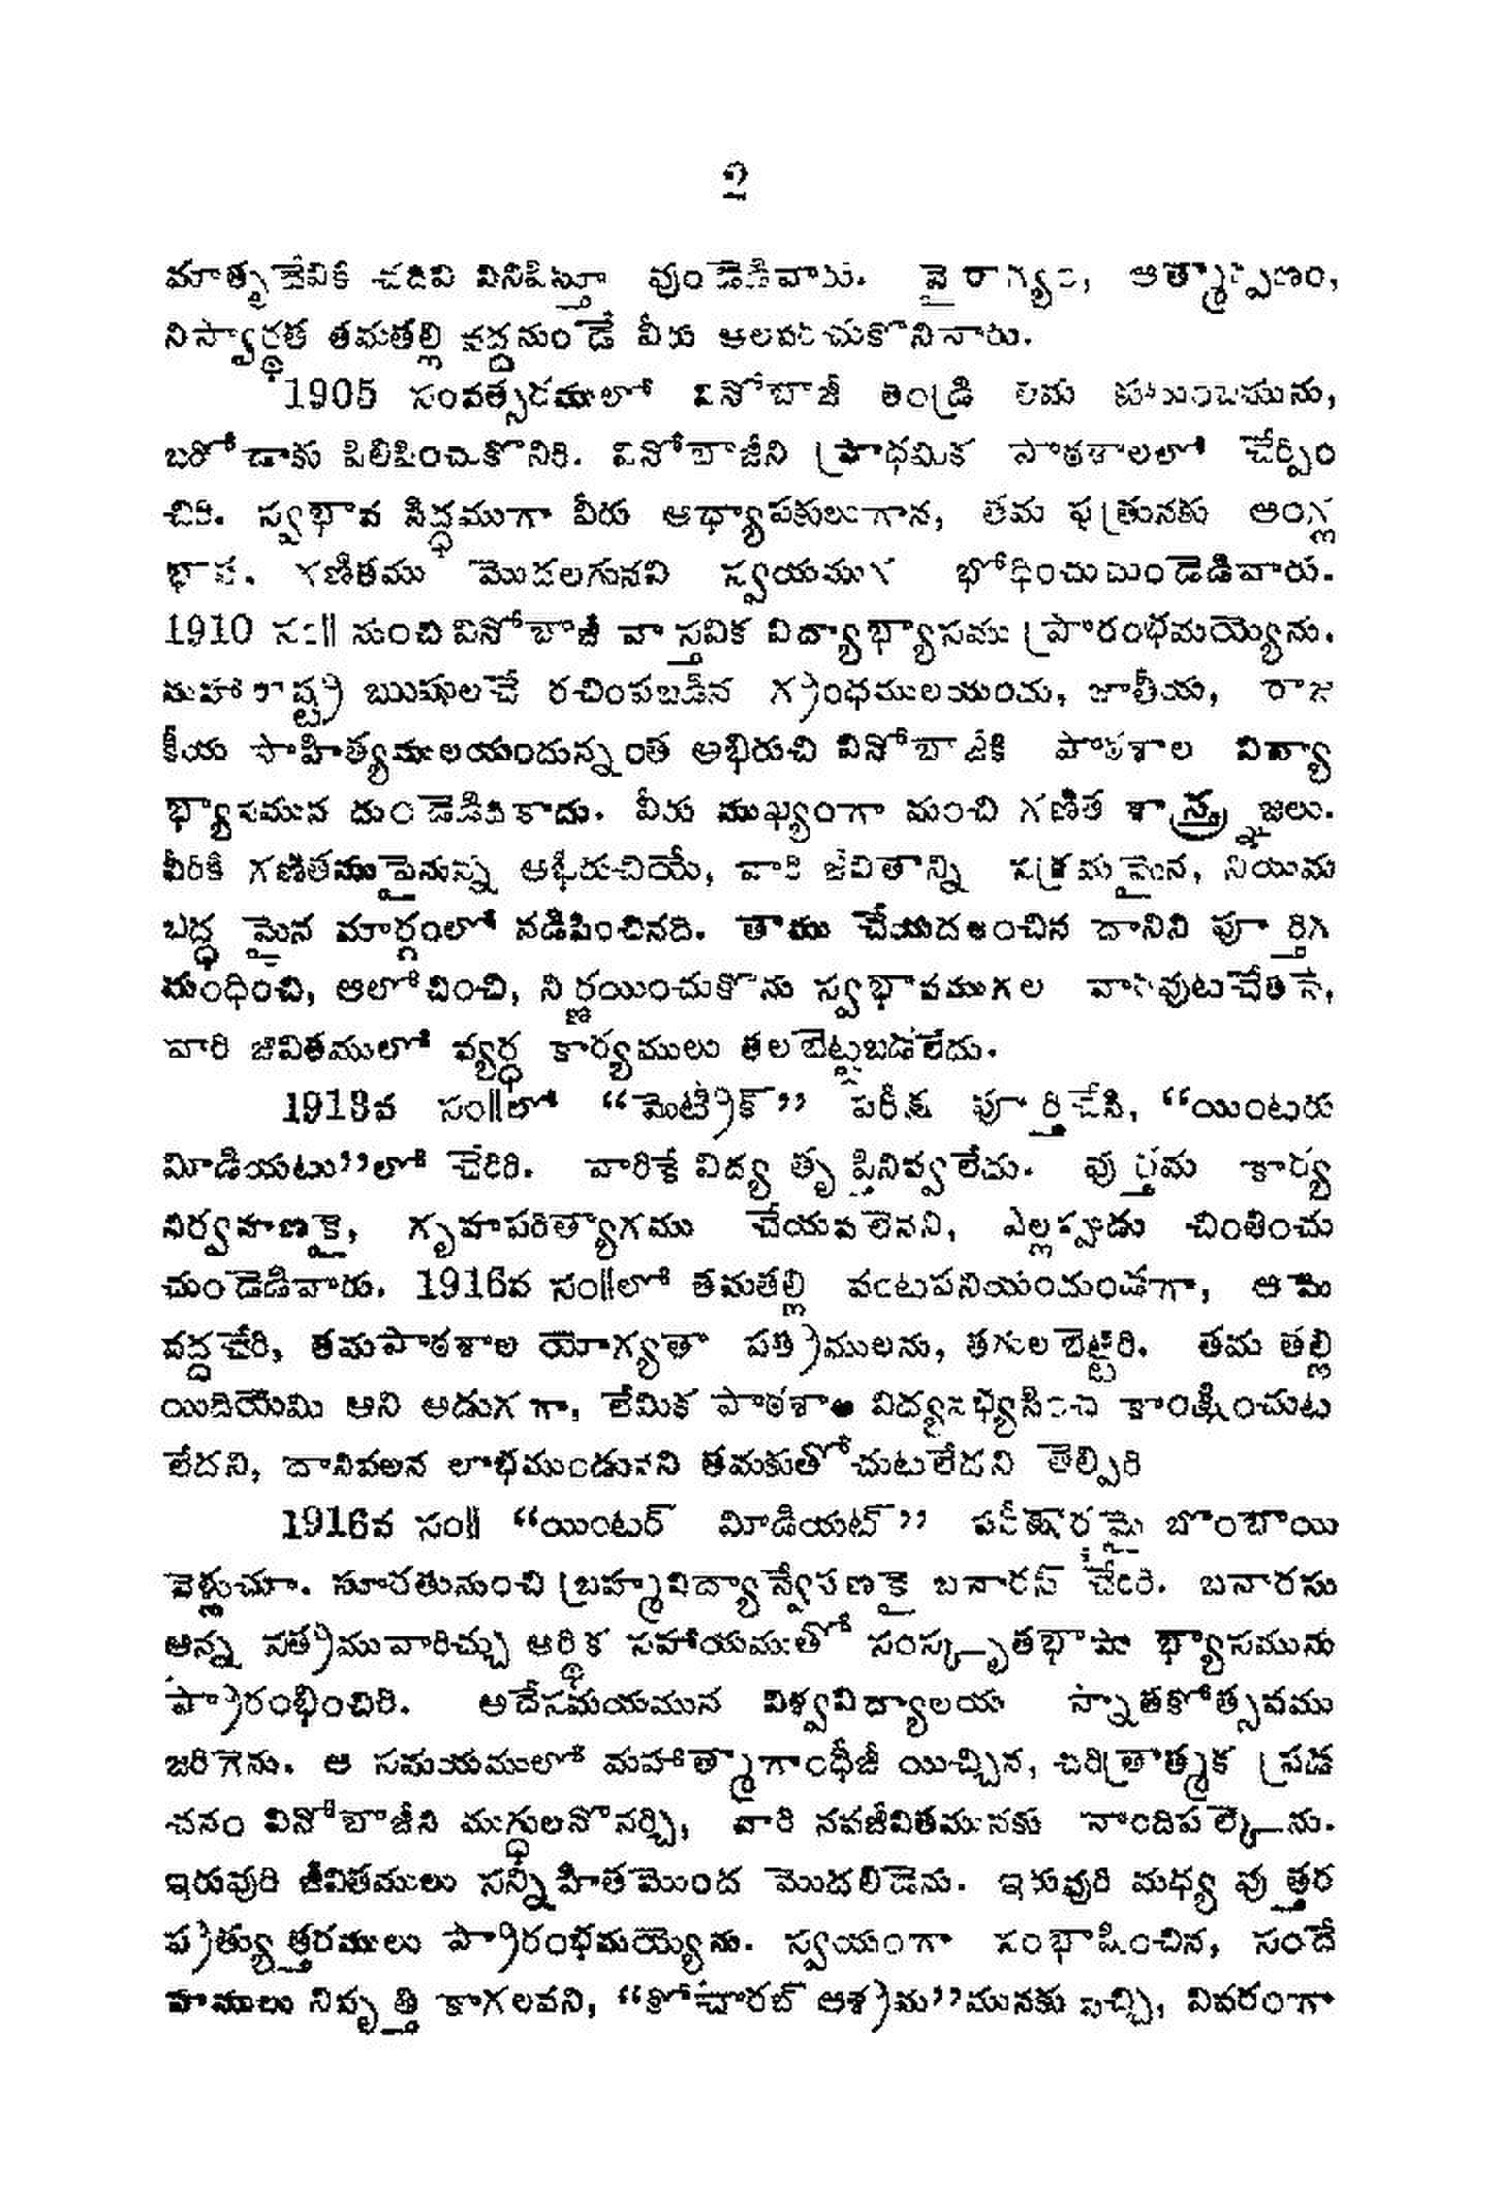మాతృదేవికి చదివి వినిపిస్తూ వుండెడివారు. వైరాగ్యం, ఆత్మార్పణం, నిస్వార్థత తమతల్లి వద్దనుండే వీరు అలవరచుకొనినారు.

1905 సంవత్సరములో వినోబాజీ తండ్రి తమ కుటుంబమును, బరోడాకు పిలిపించుకొనిరి. వినోబాజీని ప్రాధమిక పాఠశాలలో చేర్పించిరి. స్వభావ సిద్దముగా వీరు ఆధ్యాపకులుగాన, తమ ఫుత్రునకు ఆంగ్లభావ, గణితము మొదలగునవి స్వయముగ భోధించుచుండెడివారు. 1910 సం|| నుంచి వినోబోజీ వాస్తవిక విద్యాభ్యాసము ప్రారంభమయ్యెను. మహారాష్ట్ర ఋషులచే రచింపబడిన గ్రంధములయందు, జాతీయ, రాజకీయ సాహిత్యములయందున్నంత అభిరుచి వినోబాజీకి పాఠశాల విద్యాభ్యాసమున దుండెడిదికాదు. వీరు ముఖ్యంగా మంచి గణిత శాస్త్రజ్ఞలు. వీరికి గణితముపైనున్న అభిరుచియే, వారి జీవితాన్ని సక్రమమైన, నియమబద్ద మైన మార్గంలో నడిపించినది. తాము చేయదలంచిన దానిని పూర్తిగా మంధించి, ఆలోచించి, నిర్ణయించుకొను స్వభావముగల వారవుటచేతనే, వారి జీవితములో వ్యర్థ కార్యములు తలబెట్టబడలేదు.

1913 వ సం||లో "మెట్రిక్" పరీక్ష పూర్తిచేసి, “యింటరు మీడియటు"లో చేరిరి. వారికే విద్య తృప్తినివ్వలేదు. వుత్తమ కార్య నిర్వహణకై, గృహపరిత్యాగము చేయవలెనని, ఎల్లప్పుడు చింతించు చుండెడివారు. 1916వ సం||లో తమతల్లి వంటపనియందుండగా, ఆమె వద్దచేరి, తమపాఠశాల యోగ్యతా పత్రములను, తగులబెట్టిరి. తమ తల్లి యిదియేమి అని అడుగగా, లేమిక పాఠశాల విద్యఃభ్యసించ కాంక్షించుట లేదని, దానివలన లాభముండునని తమకుతోచుటలేదని తెల్పిరి

1916వ సం|| "యింటర్ మీడియట్" పరీక్షార్థమై బొంబాయి వెళ్లుచూ, సూరతునుంచి బ్రహ్మవిద్యాన్వేషణకై బనారస్ చేరిరి. బనారసు అన్న సత్రమువారిచ్చు ఆర్థిక సహాయముతో సంస్కృతభాషా భ్యాసమును ప్రారంభించిరి. అదేసమయమున విశ్వవిద్యాలయ స్నాతకోత్సవము జరిగెను. ఆ సమయములో మహాత్మాగాంధీజీ యిచ్చిన, చరిత్రాత్మక ప్రడచనం వినోబాజీని ముగ్ధులనొనర్చి, వారి నవజీవితమునకు నాందిపల్కెను. ఇరువురి జీవితములు సన్నిహితమొంద మొదలిడెను. ఇరువురి మధ్య వుత్తర ప్రత్యుత్తరములు ప్రారంభమయ్యెను. స్వయంగా సంభాషించిన, సందేహములు నివృత్తి కాగలవని, "కోచారబ్ ఆశ్రమ"మునకు వచ్చి, వివరంగా